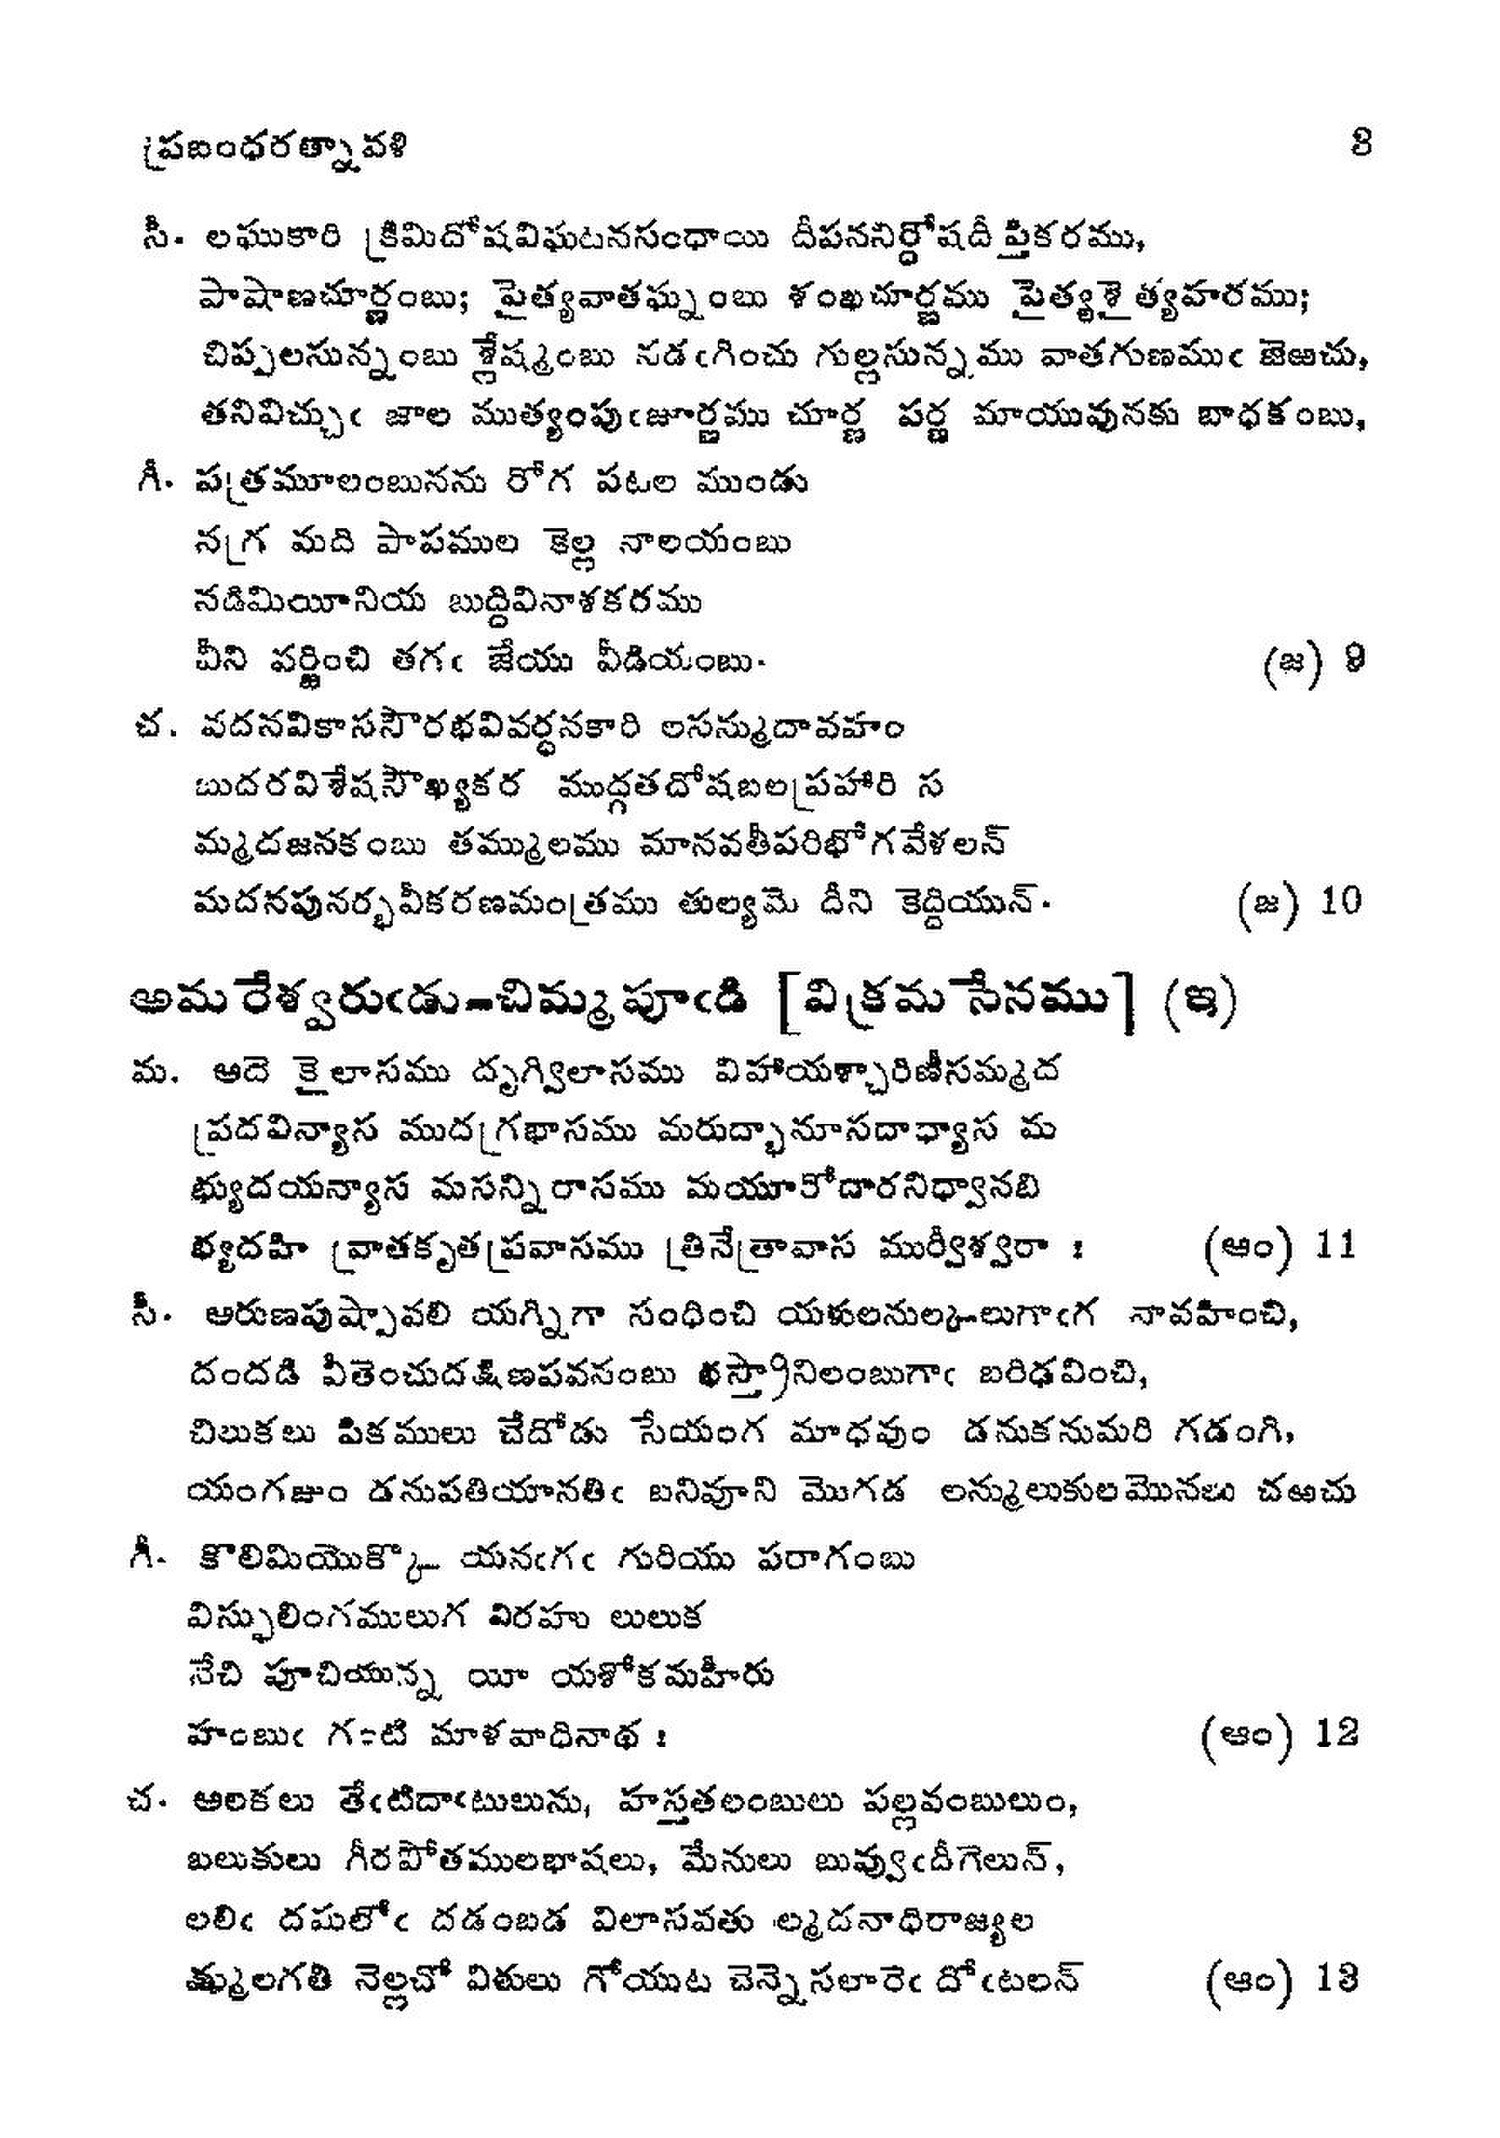సీ. లఘుకారి క్రిమిదోషవిఘటనసంధాయి దీపననిర్దోషదీప్తికరము,
పాషాణచూర్ణంబు; పైత్యవాతఘ్నంబు శంఖచూర్ణము పైత్యశైత్యహరము;
చిప్పలసున్నంబు శ్లేష్మంబు నడఁగించు గుల్లసున్నము వాతగుణముఁ జెఱచు
తనవిచ్చుఁ జాల ముత్యంపుఁజూర్ణము చూర్ణ పర్ణ మాయువునకు బాధకంబు;
గీ. పత్రమూలంబునను రోగపటల ముండు
నగ్రమది పాపములకెల్ల నాలయంబు
నడిమి యీనియ బుద్ధివినాశకరము
వీని వర్జించి తగఁ జేయు వీడియంబు. (జ) 9

చ. వదనవికాససౌరభవివర్ధనకారి లసన్ముదావహం
బుదరవిశేషసౌఖ్యకర ముద్గతదోషబలప్రహారి స
మ్మదజనకంబు తమ్ములము మానవతీపరిభోగవేళలన్
మదనపునర్భవీకరణమంత్రము తుల్యమె దీని కెద్దియున్. (జ) 10

మ. అదె కైలాసము దిగ్విలాసము విహాయశ్చారిణీసమ్మద
ప్రదవిన్యాస ముదగ్రభాసము మరుద్భానూసదాభ్యాస మ
భ్యుదయన్యాస మసన్నిరాసము మయూరోదారనిధ్వానభి
భ్యదహివ్రాతకృతప్రవాసము త్రినేత్రావాస ముర్వీశ్వరా! (ఆం) 11

సీ. అరుణపుష్పావలి యగ్నిగా సంధించి యళుల నుల్కలుగాఁగ నావహించి
దందడి వీతెంచు దక్షిణపవనంబు భస్త్రానిలంబుగాఁ బరిఢవించి
చిలుకలు పికములు చేదోడు సేయంగ మాధవుండనుకనుమరి గడంగి
యంగజుం డనుపతియానతిఁ బనిపూని మొగడల న్ములుకులమొనలు చఱచు
తే. కొలిమియొక్కొ యనఁగఁ గురియు పరాగంబు
విస్ఫులింగములుగ విరహు లులుక
నేచి పూచియున్న యీ యశోకమహీరు
హంబుఁ గంటె మాళవాధినాథ. (ఆం) 12

చ. అలకలు తేఁటిదాఁటులును హస్తతలంబులు పల్లవంబులుం
బలుకులు గీరపోతములభాషలు మేనులు బువ్వుఁదీఁగెలున్
లలిఁ దమలోఁ దడంబడ విలాసవతు ల్మదనాధిరాజ్య ల
క్ష్ములగతి నెల్లచో విరులుగోయుట చెన్నెసలారెఁ దోటలన్. (ఆం) 13